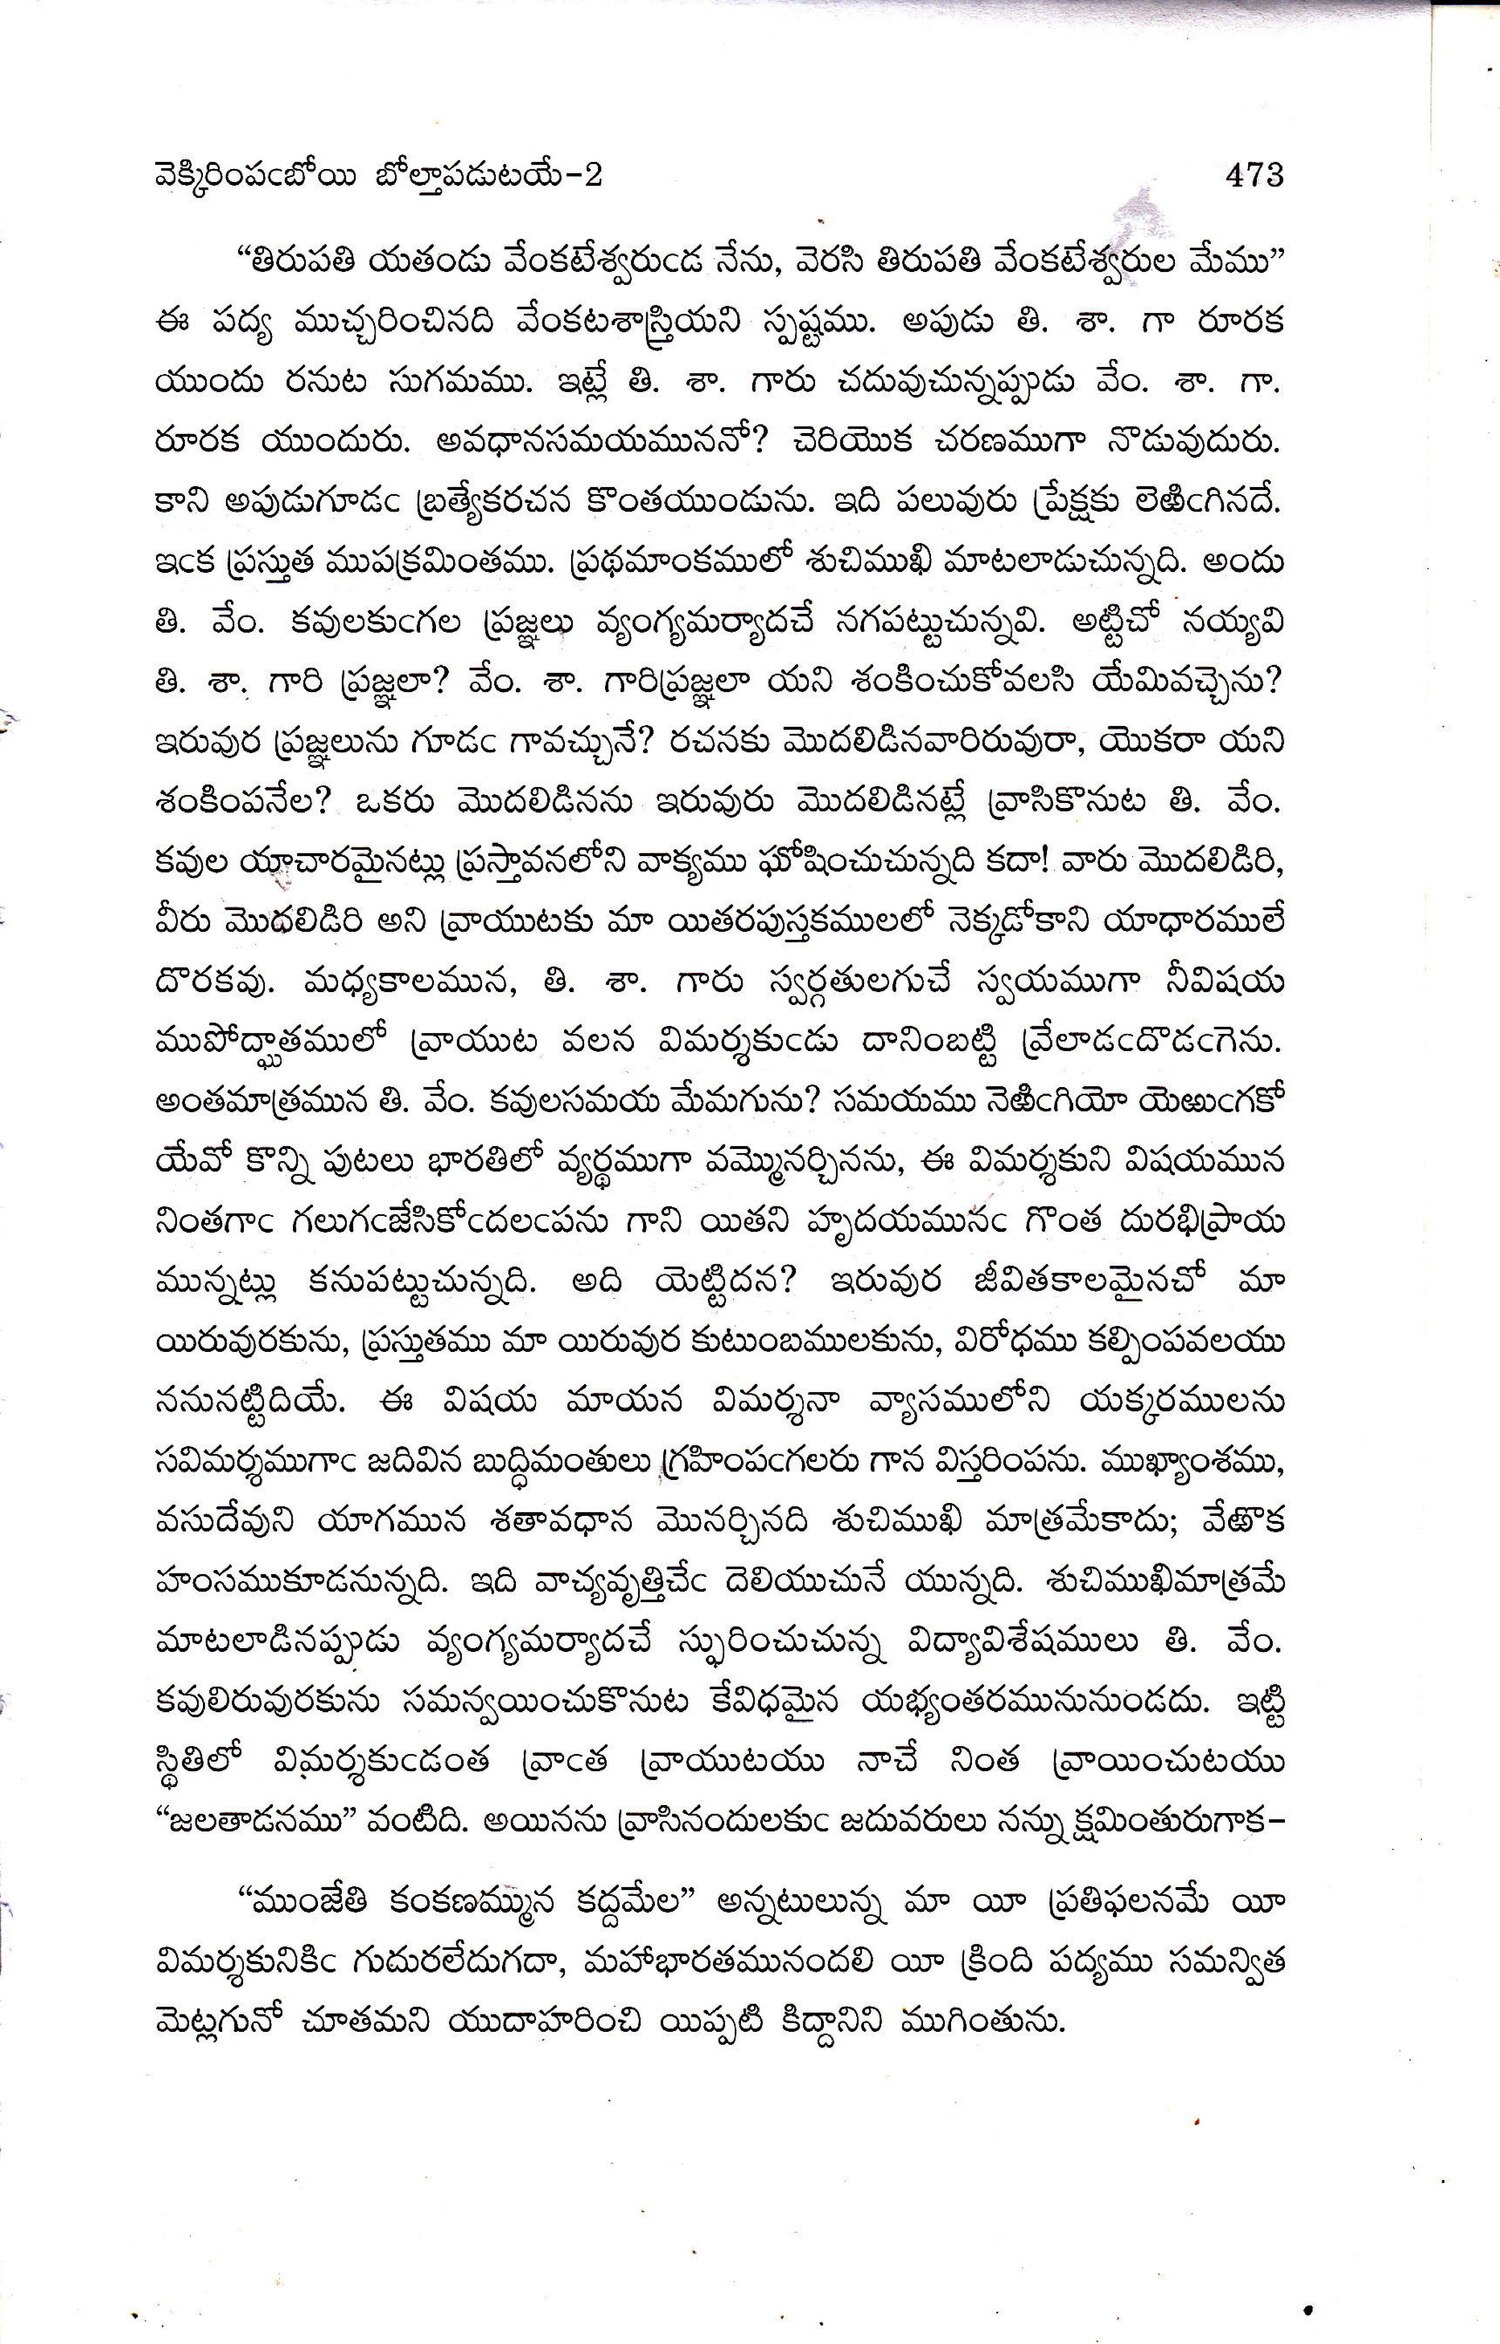"తిరుపతి యతండు వేంకటేశ్వరుఁడ నేను, వెరసి తిరుపతి వేంకటేశ్వరుల మేము" ఈ పద్య ముచ్చరించినది వేంకటశాస్త్రియని స్పష్టము. అపుడు తి. శా. గా రూరక యుందు రనుట సుగమము. ఇట్లే తి. శా. గారు చదువుచున్నప్పుడు వేం. శా. గా. రూరక యుందురు. అవధానసమయముననో? చెరియొక చరణముగా నొడువుదురు. కాని అపుడుగూడఁ బ్రత్యేకరచన కొంతయుండును. ఇది పలువురు ప్రేక్షకు లెఱిఁగినదే. ఇఁక ప్రస్తుత ముపక్రమింతము. ప్రథమాంకములో శుచిముఖి మాటలాడుచున్నది. అందు తి. వేం. కవులకుఁగల ప్రజ్ఞలు వ్యంగ్యమర్యాదచే నగపట్టుచున్నవి. అట్టిచో నయ్యవి తి. శా. గారి ప్రజ్ఞలా? వేం. శా. గారిప్రజ్ఞలా యని శంకించుకోవలసి యేమివచ్చెను? ఇరువుర ప్రజ్ఞలును గూడఁ గావచ్చునే? రచనకు మొదలిడినవారిరువురా, యొకరా యని శంకింపనేల? ఒకరు మొదలిడినను ఇరువురు మొదలిడినట్లే వ్రాసికొనుట తి. వేం. కవుల యాచారమైనట్లు ప్రస్తావనలోని వాక్యము ఘోషించుచున్నది కదా! వారు మొదలిడిరి, వీరు మొదలిడిరి అని వ్రాయుటకు మా యితరపుస్తకములలో నెక్కడోకాని యాధారములే దొరకవు. మధ్యకాలమున, తి. శా. గారు స్వర్గతులగుచే స్వయముగా నీవిషయ ముపోద్ఘాతములో వ్రాయుట వలన విమర్శకుఁడు దానింబట్టి వ్రేలాడఁదొడఁగెను. అంతమాత్రమున తి. వేం. కవులసమయ మేమగును? సమయము నెఱిఁగియో యెఱుఁగకో యేవో కొన్ని పుటలు భారతిలో వ్యర్ధముగా వమ్మొనర్చినను, ఈ విమర్శకుని విషయమున నింతగాఁ గలుగఁజేసికోఁదలఁపను గాని యితని హృదయమునఁ గొంత దురభిప్రాయ మున్నట్లు కనుపట్టుచున్నది. అది యెట్టిదన? ఇరువుర జీవితకాలమైనచో మా యిరువురకును, ప్రస్తుతము మా యిరువుర కుటుంబములకును, విరోధము కల్పింపవలయు ననునట్టిదియే. ఈ విషయ మాయన విమర్శనా వ్యాసములోని యక్కరములను సవిమర్శముగాఁ జదివిన బుద్ధిమంతులు గ్రహింపఁగలరు గాన విస్తరింపను. ముఖ్యాంశము, వసుదేవుని యాగమున శతావధాన మొనర్చినది శుచిముఖి మాత్రమేకాదు; వేఱొక హంసముకూడనున్నది. ఇది వాచ్యవృత్తిచేఁ దెలియుచునే యున్నది. శుచిముఖిమాత్రమే మాటలాడినప్పుడు వ్యంగ్యమర్యాదచే స్ఫురించుచున్న విద్యావిశేషములు తి. వేం. కవులిరువురకును సమన్వయించుకొనుట కేవిధమైన యభ్యంతరమునునుండదు. ఇట్టి స్థితిలో విమర్శకుఁడంత వ్రాఁత వ్రాయుటయు నాచే నింత వ్రాయించుటయు “జలతాడనము” వంటిది. అయినను వ్రాసినందులకుఁ జదువరులు నన్ను క్షమింతురుగాక-

“ముంజేతి కంకణమ్మున కద్దమేల? అన్నటులున్న మా యీ ప్రతిఫలనమే యీ విమర్శకునికిఁ గుదురలేదుగదా, మహాభారతమునందలి యీ క్రింది పద్యము సమన్విత మెట్లగునో చూతమని యుదాహరించి యిప్పటి కిద్దానిని ముగింతును.